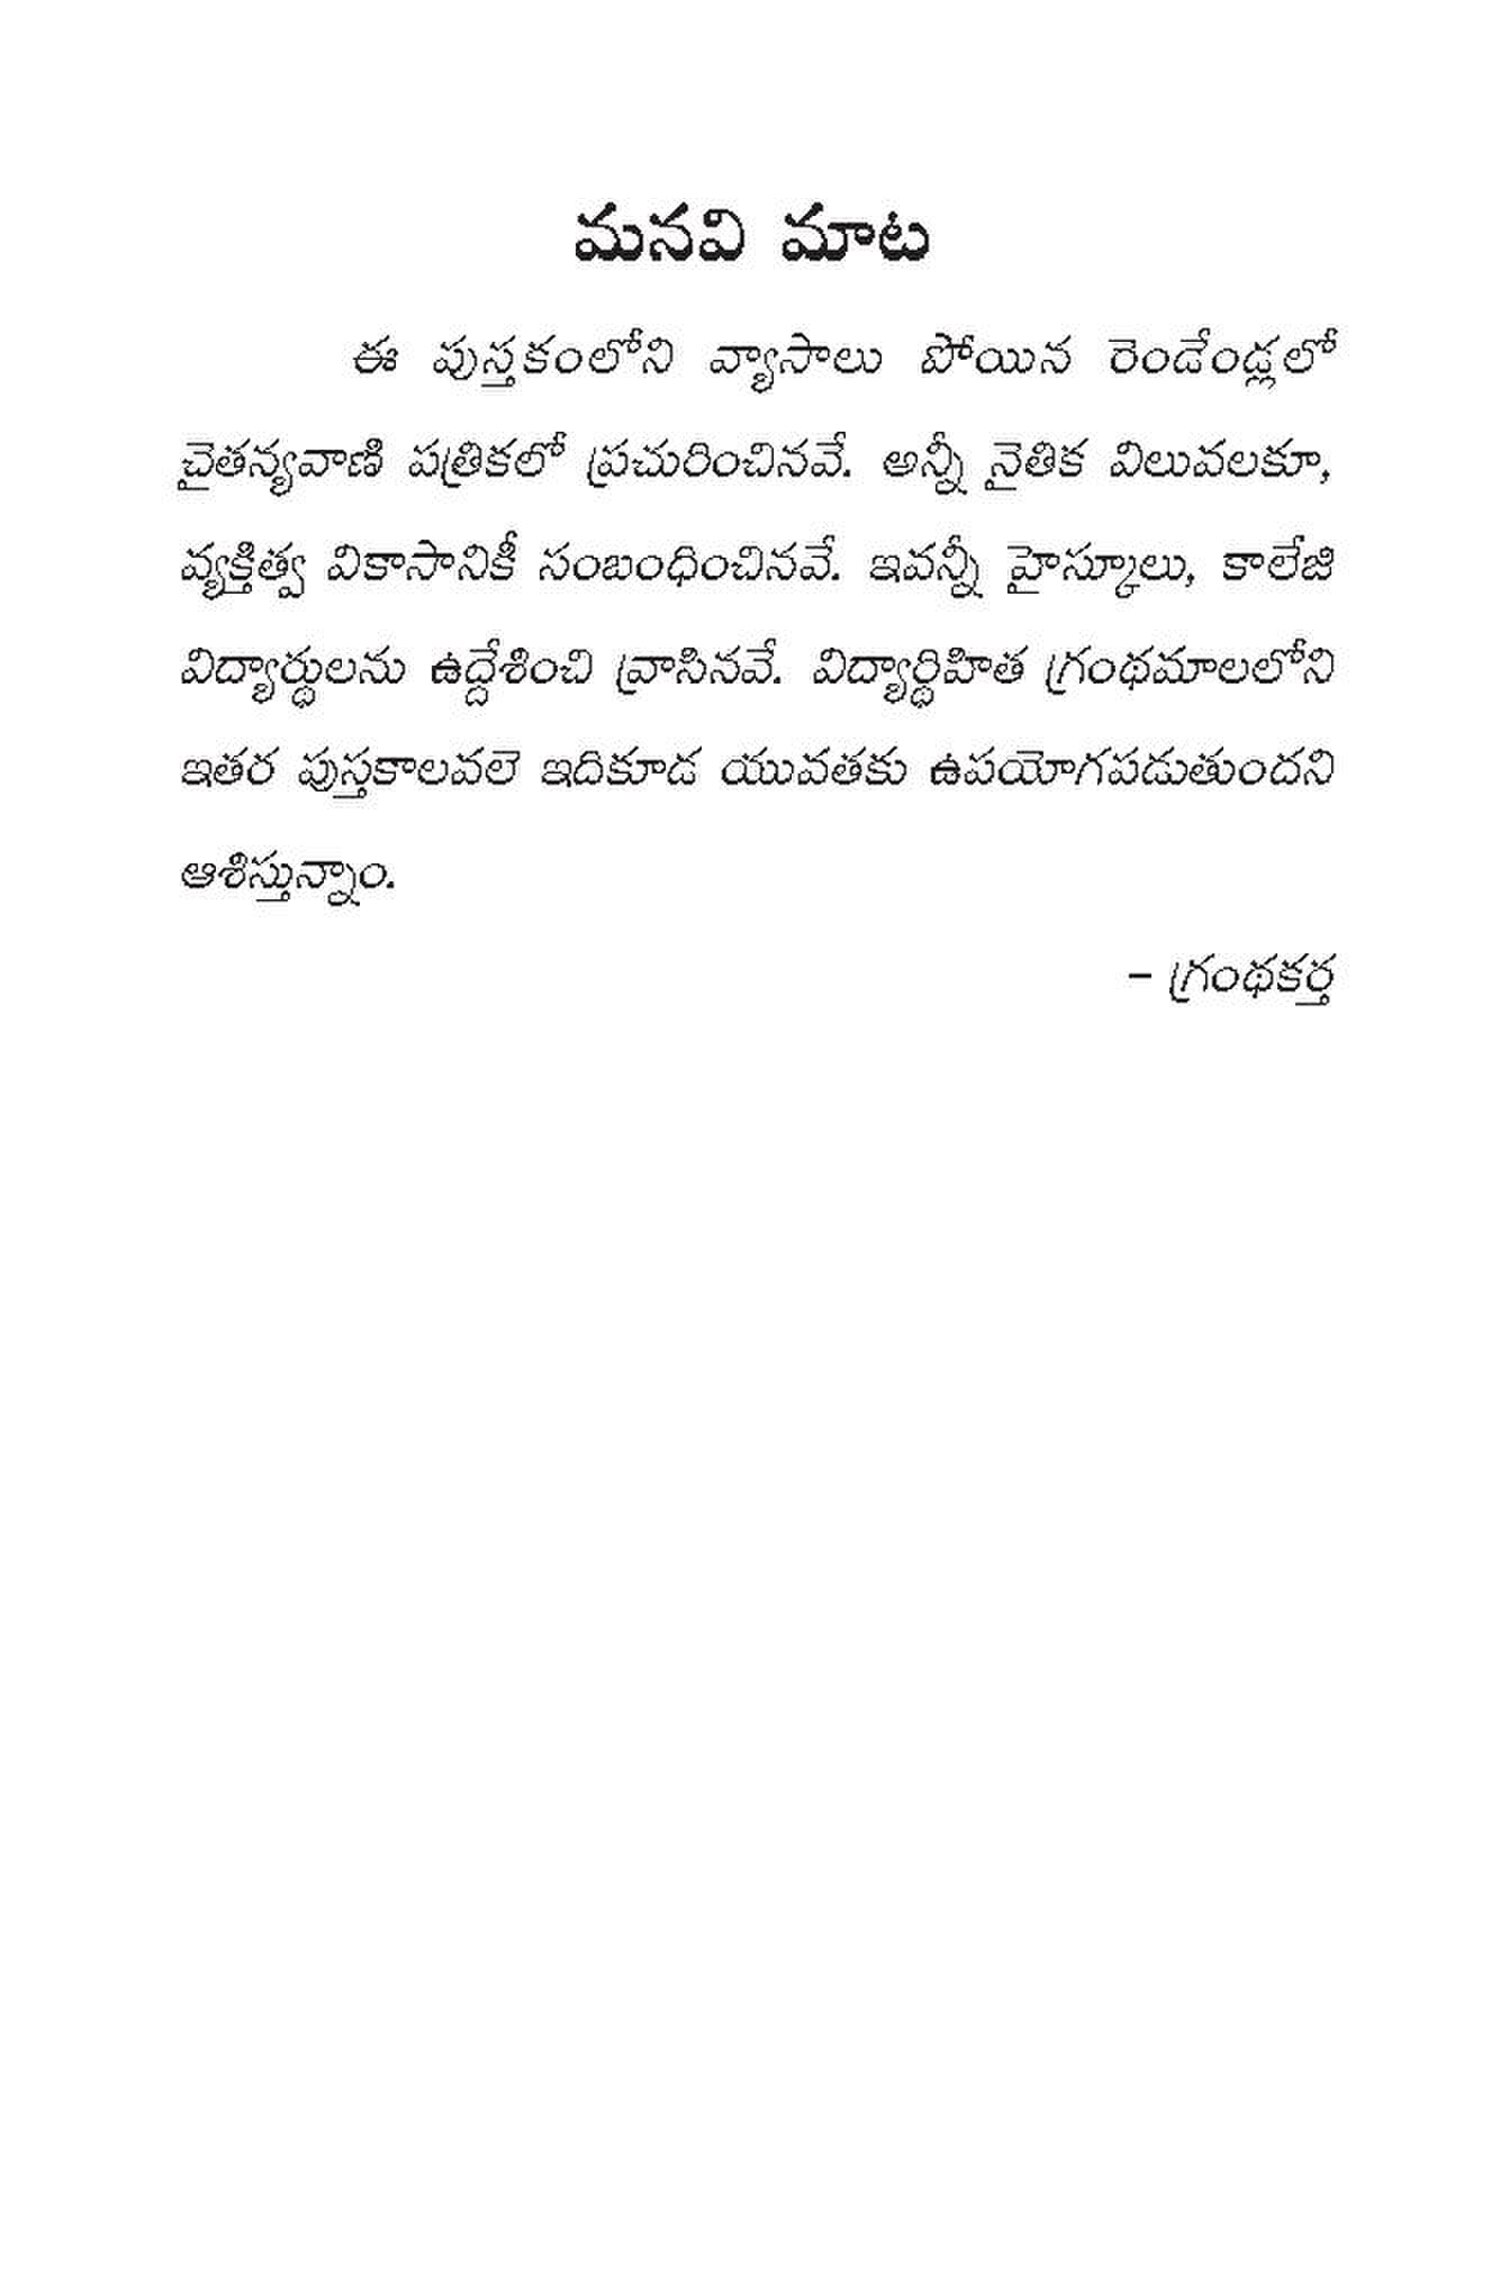మనవి మాట

ఈ పుస్తకంలోని వ్యాసాలు పోయిన రెండేండ్లలో చైతన్యవాణి పత్రికలో ప్రచురించినవే. అన్నీ నైతిక విలువలకూ, వ్యక్తిత్వ వికాసానికీ సంబందించినవే. ఇవన్నీ హైస్కూలు, కాలేజి విద్యార్ధులను ఉద్దేశించి వ్రాసినవే. విద్యార్ధిహిత గ్రంధమాలలోని ఇతర పుస్తకాలవలె ఇదికూడ యువతకు ఉపయోగపడుతుందని ఆశిస్తున్నాం.

 ---గ్రంధకర్త